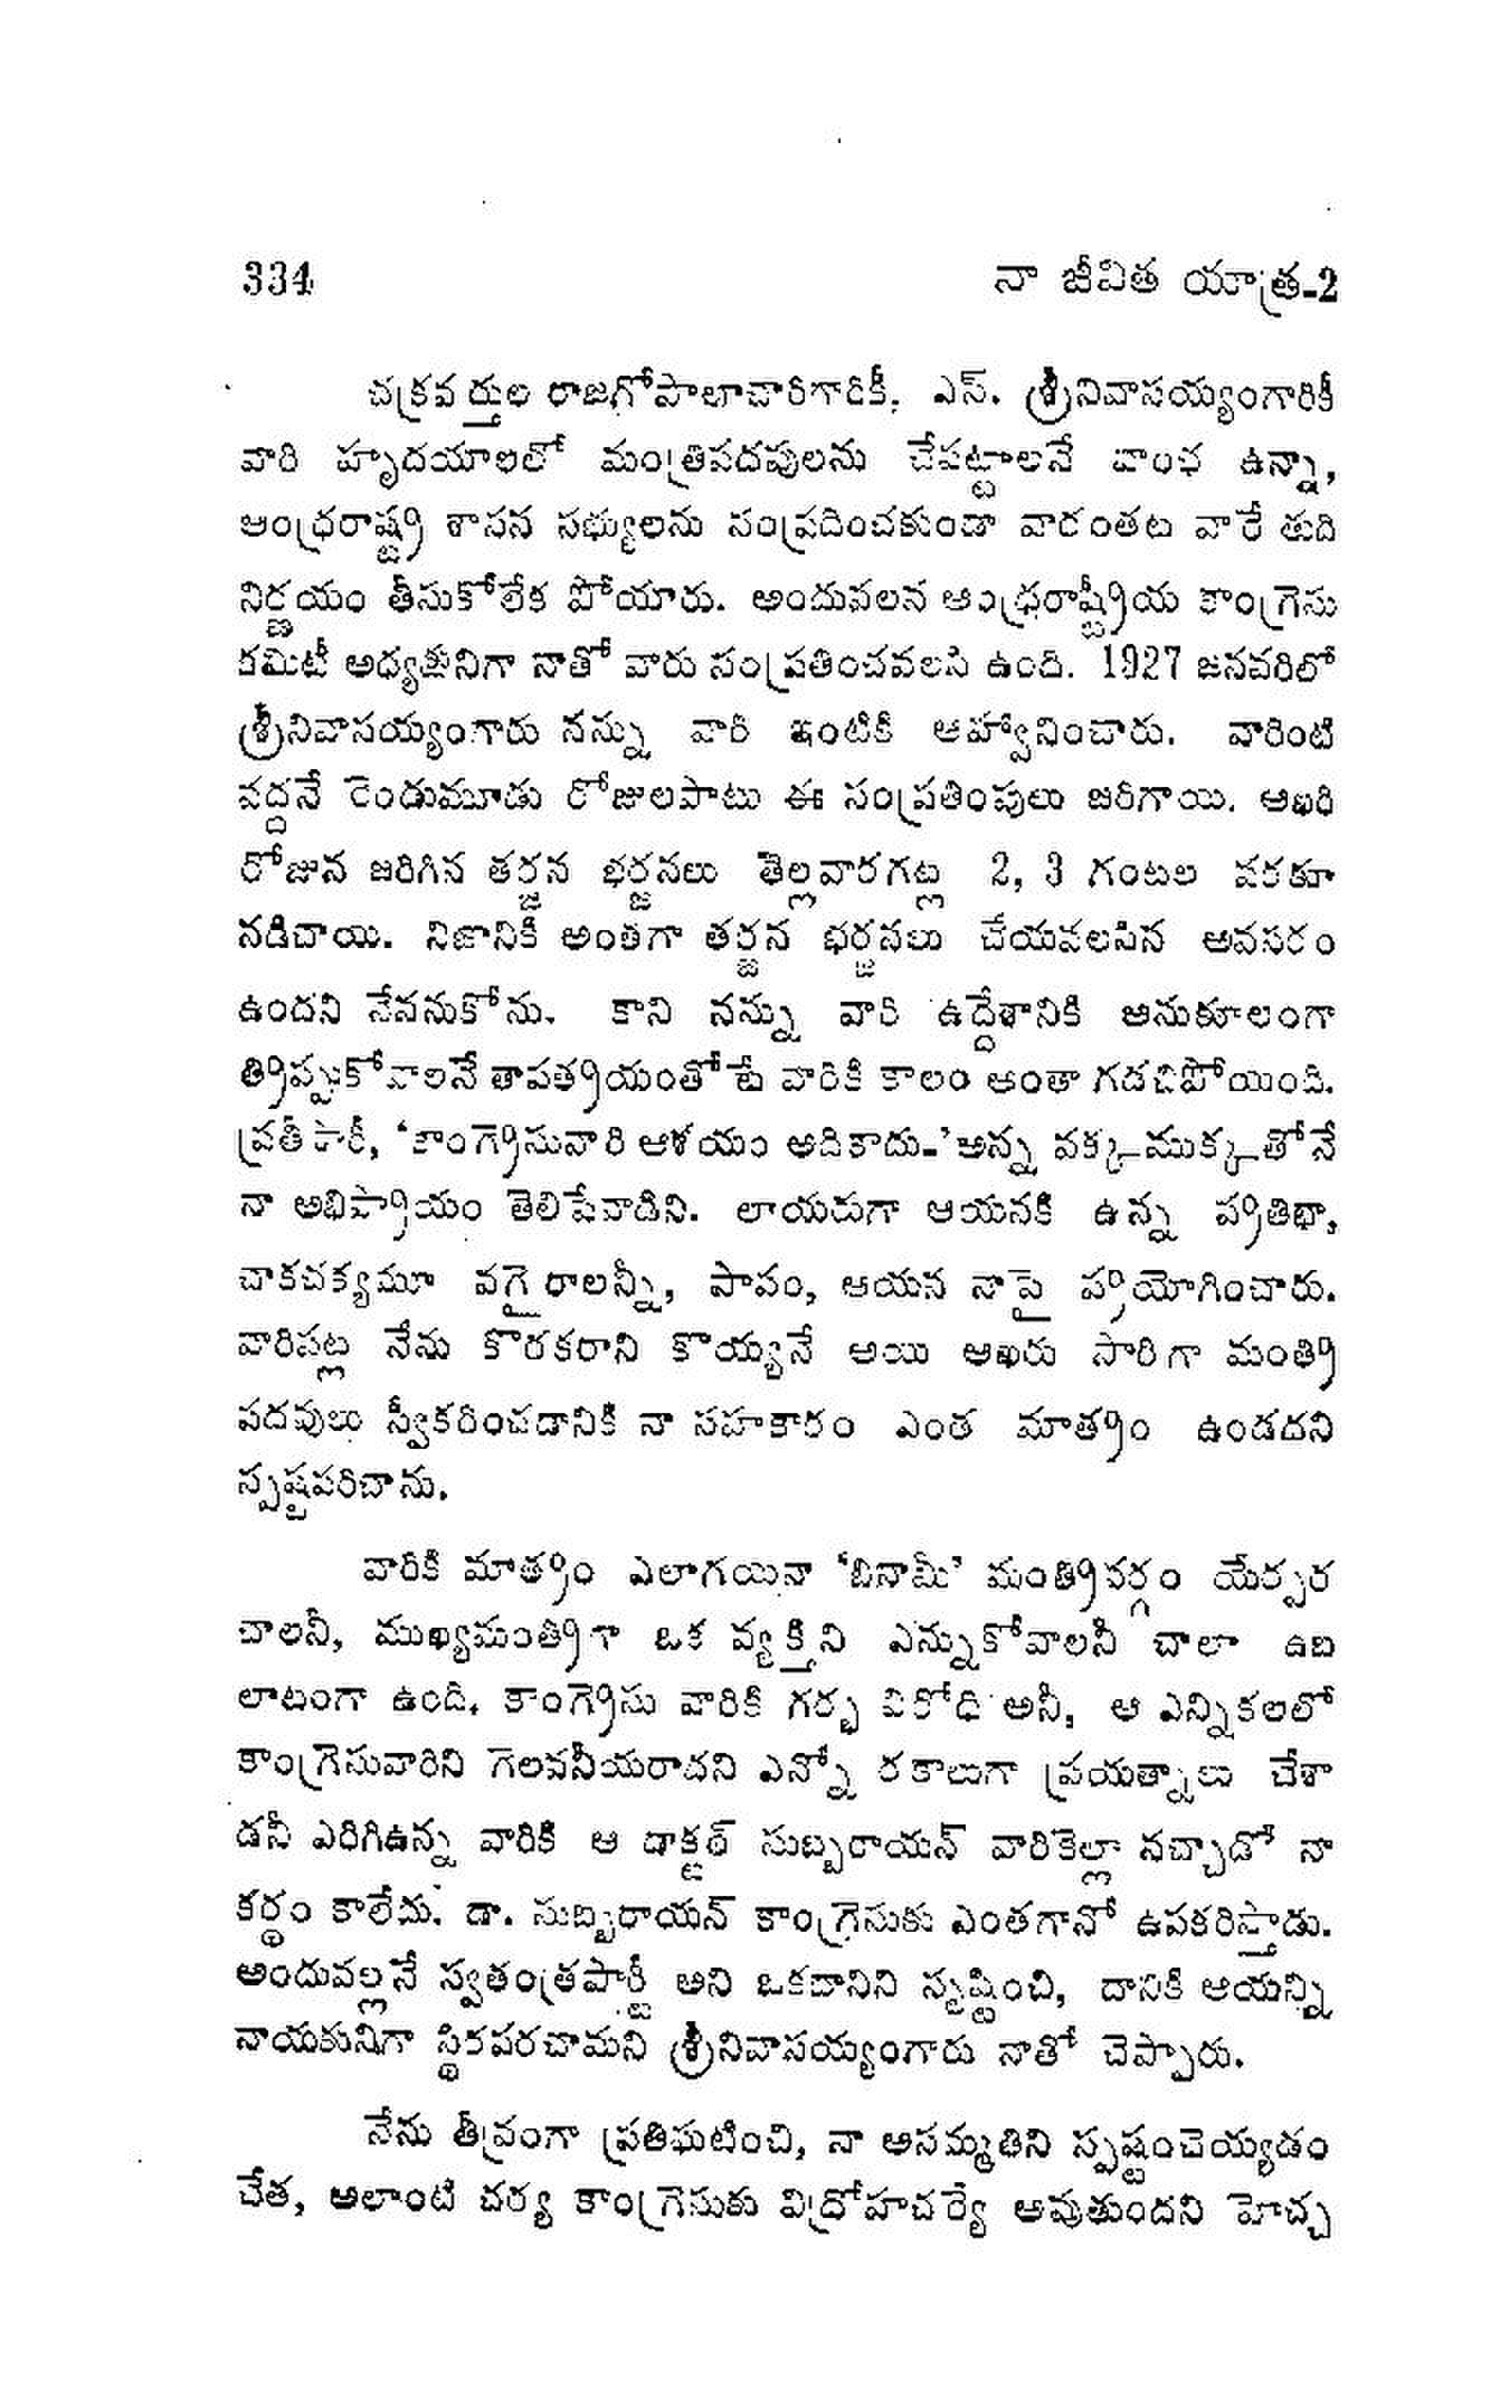చక్రవర్తుల రాజగోపాలాచారిగారికీ, ఎస్. శ్రీనివాసయ్యంగారికి వారి హృదయాలలో మంత్రిపదవులను చేపట్టాలనే వాంఛ ఉన్నా, ఆంధ్రరాష్ట్ర శాసన సభ్యులను సంప్రదించకుండా వారంతట వారే తుది నిర్ణయం తీసుకోలేక పోయారు. అందువలన ఆంధ్రరాష్ట్రీయ కాంగ్రెసు కమిటీ అధ్యక్షునిగా నాతో వారు సంప్రతించవలసి ఉంది. 1927 జనవరిలో శ్రీనివాసయ్యంగారు నన్ను వారి ఇంటికి ఆహ్వానించారు. వారింటివద్దనే రెండు మూడు రోజులపాటు ఈ సంప్రతింపులు జరిగాయి. ఆఖరి రోజున జరిగిన తర్జన భర్జనలు తెల్లవారగట్ల 2, 3 గంటల వరకూ నడిచాయి. నిజానికి అంతగా తర్జన భర్జనలు చేయవలసిన అవసరం ఉందని నేననుకోను. కాని నన్ను వారి ఉద్దేశానికి అనుకూలంగా త్రిప్పుకోవాలనే తాపత్రయంతోటే వారికి కాలం అంతా గడచిపోయింది. ప్రతీసారీ, "కాంగ్రెసువారి ఆశయం అదికాదు"-అన్న వక్క ముక్కతోనే నా అభిప్రాయం తెలిపేవాడిని. లాయరుగా ఆయనకి ఉన్న ప్రతిభా, చాకచక్యమూ వగైరాలన్నీ, పాపం, ఆయన నాపై ప్రయోగించారు. వారిపట్ల నేను కొరకరాని కొయ్యనే అయి ఆఖరు సారిగా మంత్రిపదవులు స్వీకరించడానికి నా సహకారం ఎంత మాత్రం ఉండదని స్పష్టపరిచాను.

వారికి మాత్రం ఎలాగయినా "బినామీ" మంత్రివర్గం యేర్పరచాలనీ, ముఖ్యమంత్రిగా ఒక వ్యక్తిని ఎన్నుకోవాలనీ చాలా ఉబలాటంగా ఉంది. కాంగ్రెసు వారికి గర్భ విరోధి అనీ, ఆ ఎన్నికలలో కాంగ్రెసువారిని గెలవనీయరాదని ఎన్నో రకాలుగా ప్రయత్నాలు చేశాడనీ ఎరిగిఉన్న వారికి ఆ డాక్టర్ సుబ్బరాయన్ వారికెల్లా నచ్చాడో నా కర్థం కాలేదు. డా. సుబ్బరాయన్ కాంగ్రెసుకు ఎంతగానో ఉపకరిస్తాడు. అందువల్లనే స్వతంత్రపార్టీ అని ఒకదానిని సృష్టించి, దానికి ఆయన్ని నాయకునిగా స్థిరపరచామని శ్రీనివాసయ్యంగారు నాతో చెప్పారు.

నేను తీవ్రంగా ప్రతిఘటించి, నా అసమ్మతిని స్పష్టంచెయ్యడం చేత, అలాంటి చర్య కాంగ్రెసుకు విద్రోహచర్యే అవుతుందని హెచ్చ